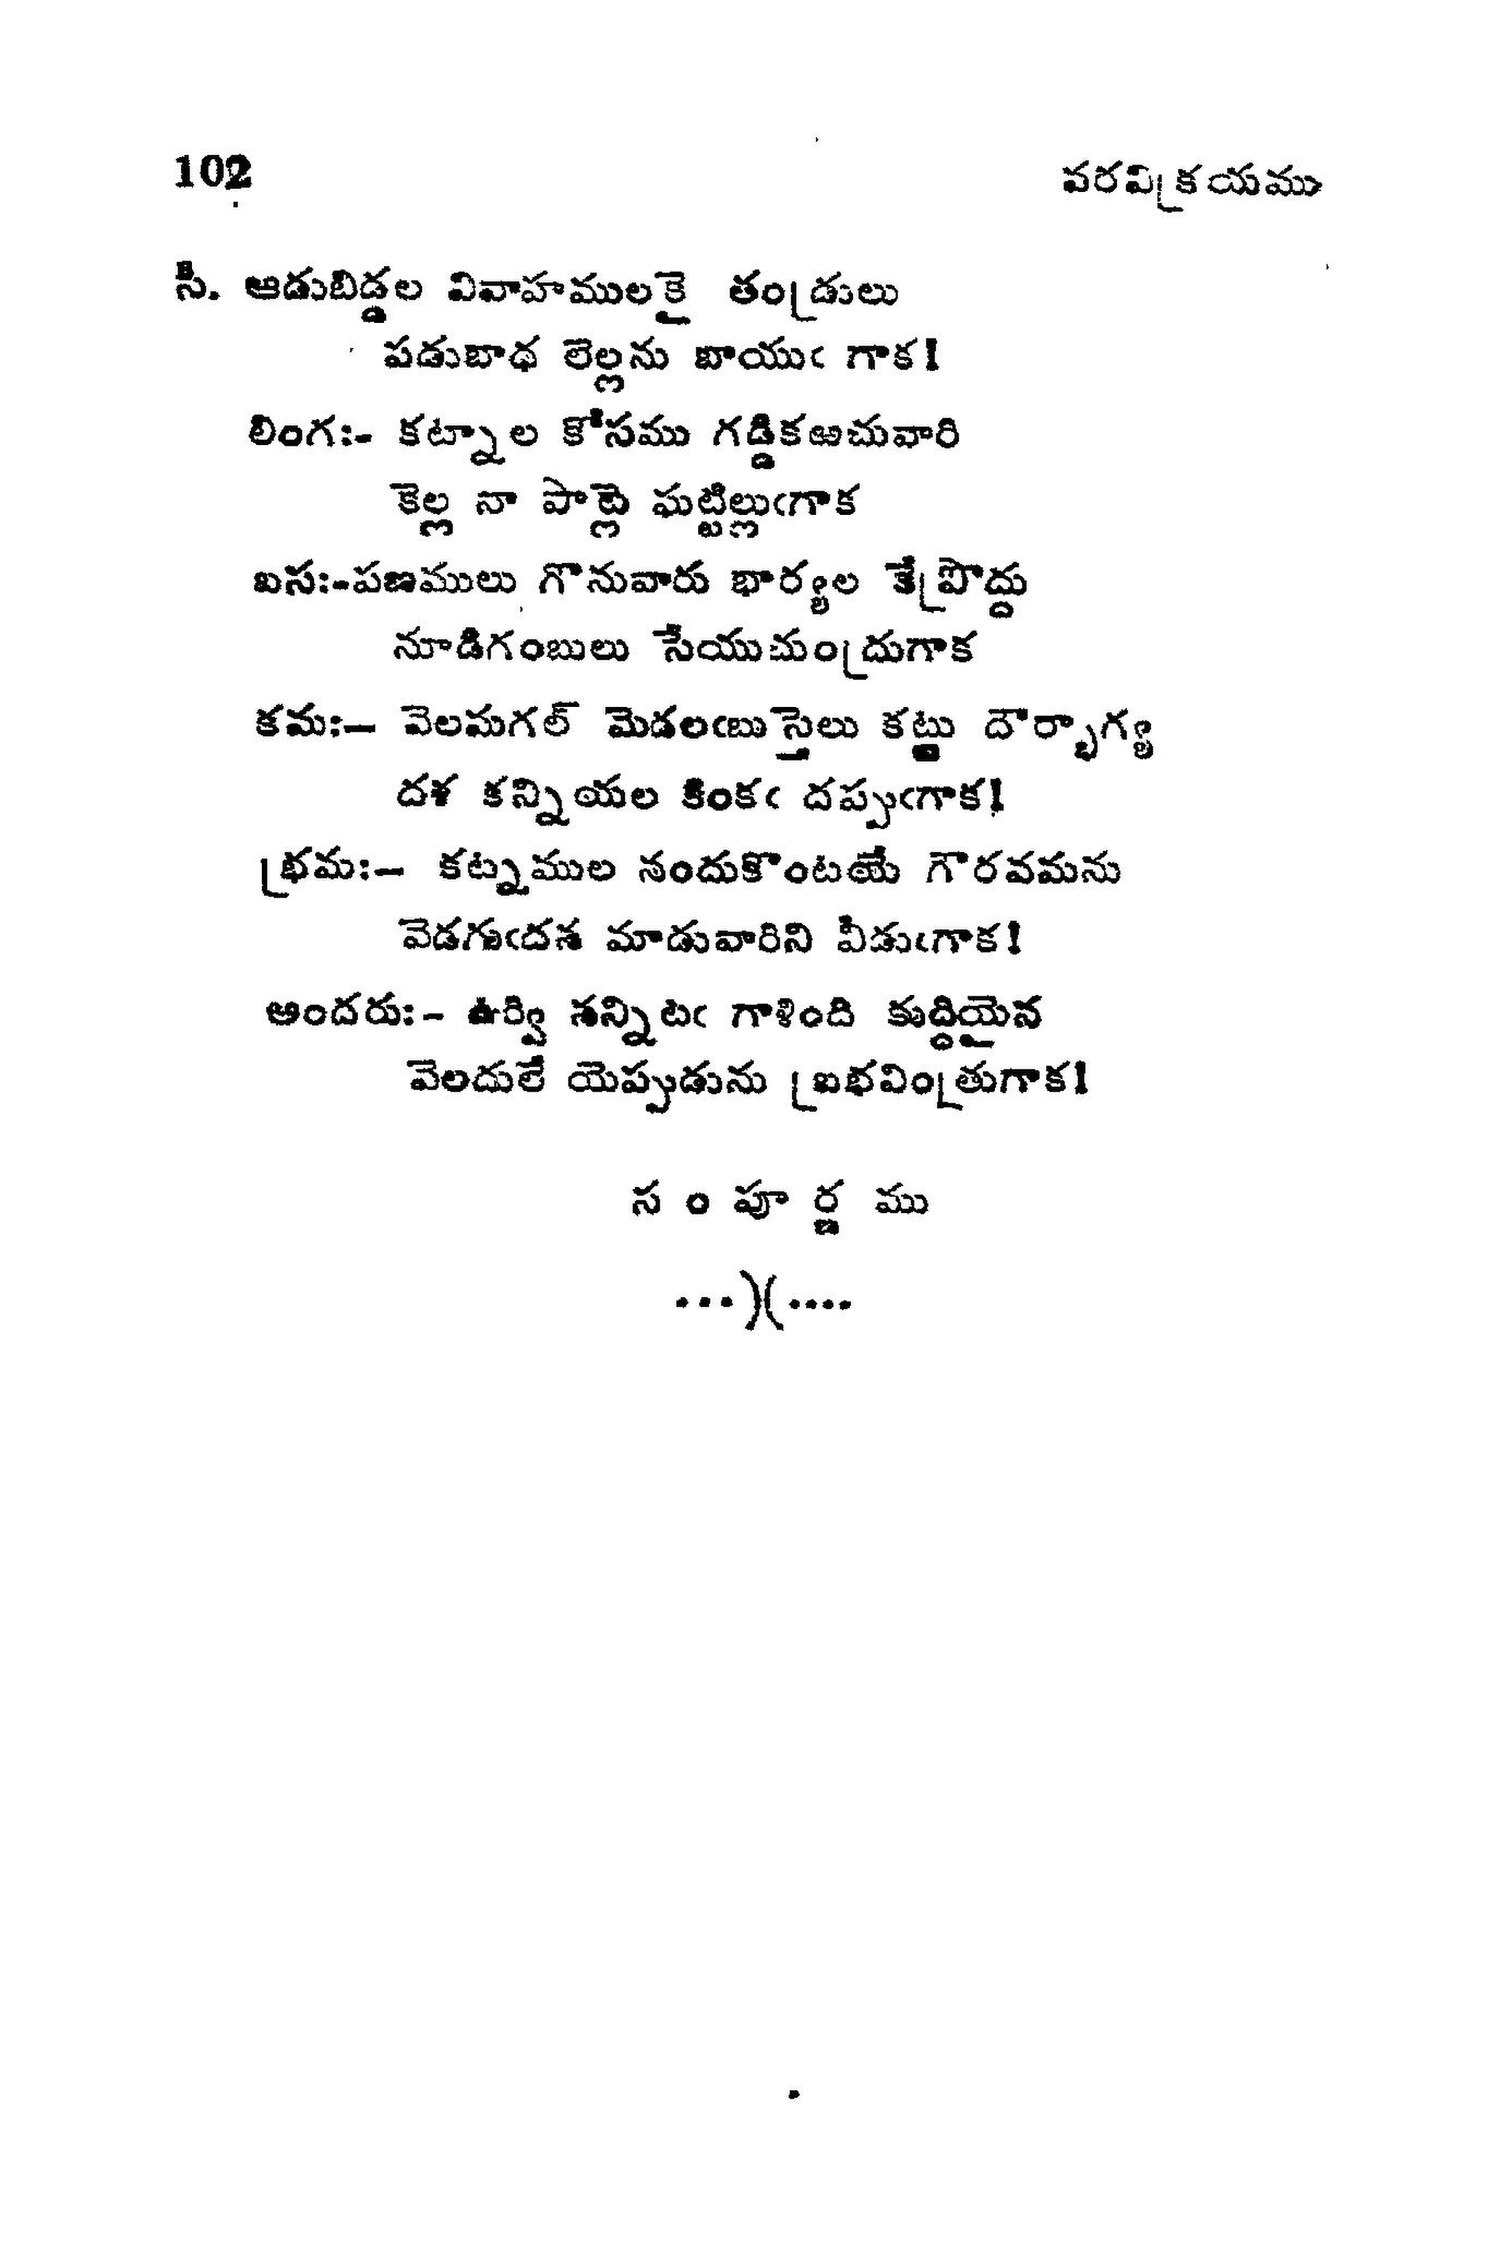సీ. ఆడుబిడ్డల వివాహములకై తండ్రులు
 పడుబాధ లెల్లను బాయుఁ గాక!
 లింగ :- కట్నాల కోసము గడ్డికఱచువారి
 కెల్ల నా పాట్లె ఘట్టిల్లుఁగాక
 బస :- పణములు గొనువారు భార్యల కేప్రొద్దు
 నూడిగంబులు సేయుచుంద్రుగాక
 కమ :- వెలమగల్‌ మెడలఁబుస్తెలు కట్టు దౌర్భాగ్య
 దశ కన్నియల కింకఁ దప్పుఁగాక!
 భ్రమ :- కట్నముల నందుకొంటయే గౌరవమను 
 వెడఁగుదన మాడువారిని వీడుఁగాక!
 అందరు :- ఉర్వి నన్నిటఁ గాళింది కుద్ధియైన
 వెలదులే యెప్పుడును బ్రభవింత్రుగాక!